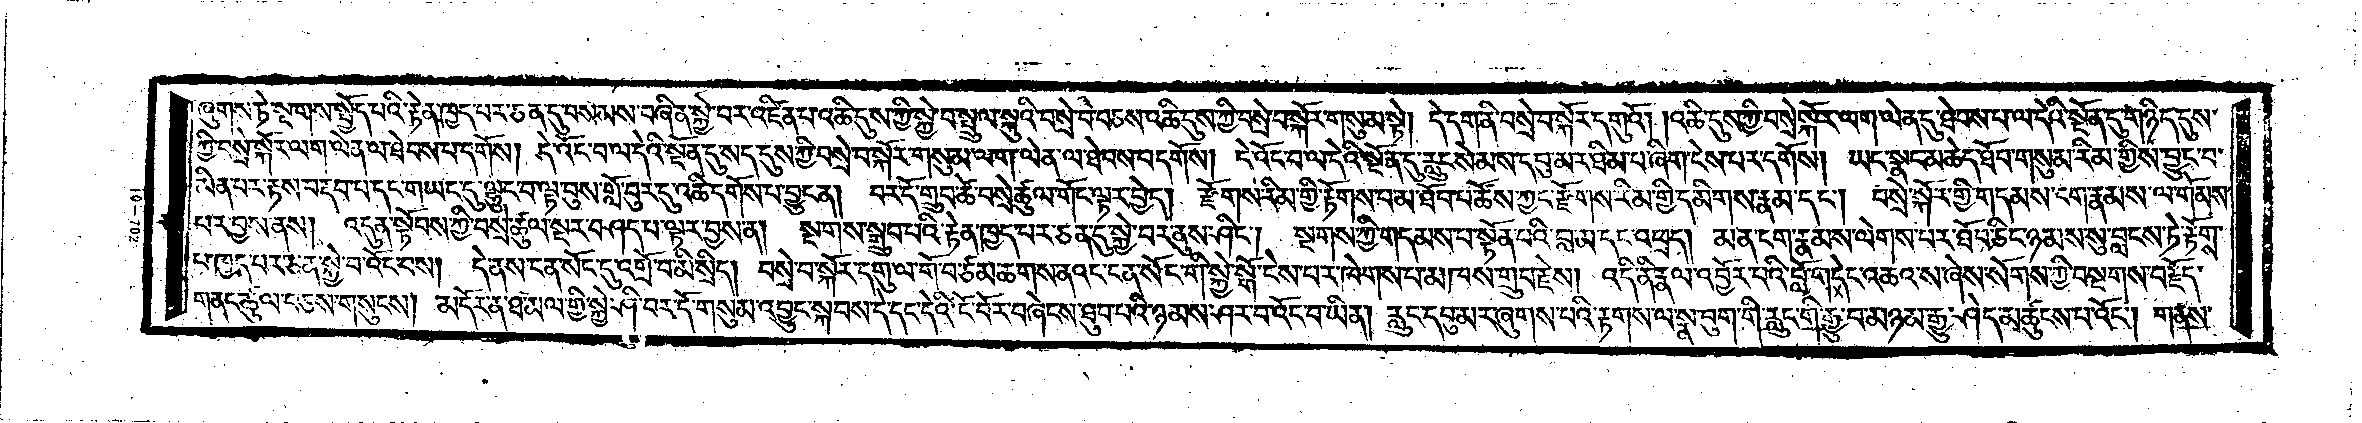ཞུགས་ཏེ་སྔགས་སྤྱོད་པའི་རྟེན་ཁྱད་པར་ཅན་དུ་བསམས་བཞིན་སྐྱེ་བར་འཛིན་པ་འཆི་དུས་ཀྱི་སྐྱེ་བ་སྤྲུལ་སྐུའི་བསྲེ་བ་བཅས་འཆི་དུས་ཀྱི་བསྲེ་བ་སྐོར་གསུམ་སྟེ། དེ་དག་ནི་བསྲེ་བ་སྐོར་དགུའོ། །འཆི་དུས་ཀྱི་བསྲེ་སྐོར་ལག་ལེན་དུ་ཐེབས་པ་ལ་དེའི་སྔོན་དུ་གཉིད་དུས་
ཀྱི་བསྲེ་སྐོར་ལག་ལེན་ལ་ཐེབས་པ་དགོས། དེ་འོང་བ་ལ་དེའི་སྔོན་དུ་སད་དུས་ཀྱི་བསྲེ་བ་སྐོར་གསུམ་ལག་ལེན་ལ་ཐེབས་པ་དགོས། དེ་འོང་བ་ལ་དེའི་སྔོན་དུ་རླུང་སེམས་དབུ་མར་ཐིམ་པ་ཞིག་ངེས་པར་དགོས། ཡང་སྣང་མཆེད་ཐོབ་གསུམ་རིམ་གྱིས་བྱུང་བ་
མིན་པར་རྟས་བརྡབ་པ་དང་གཡང་དུ་ལྷུང་བ་ལྟ་བུས་གློ་བུར་དུ་འཆི་དགོས་པ་བྱུང་ན། བར་དོ་གྲུབ་ཚེ་བསྲེ་ཚུལ་གོང་ལྟར་བྱེད། རྫོགས་རིམ་གྱི་རྟོགས་པ་མ་ཐོབ་པ་ཚོས་ཀྱང་རྫོགས་རིམ་གྱི་དམིགས་རྣམ་དང་། བསྲེ་སྐོར་གྱི་གདམས་ངག་རྣམས་ལ་གོམས་པར་བྱས་ནས། འདུན་སྟོབས་ཀྱི་བསྲེ་ཚུལ་སྔར་བཤད་པ་ལྟར་བྱས་ན། སྔགས་སྒྲུབ་པའི་རྟེན་ཁྱད་པར་ཅན་དུ་སྐྱེ་བར་ནུས་ཤིང་། སྔགས་ཀྱི་གདམས་པ་སྟོན་པའི་བླ་མ་དང་འཕྲད། མན་ངག་རྣམས་ལེགས་པར་ཐོབ་ཅིང་ཉམས་སུ་བླངས་ཏེ་རྟོགས་
པ་ཁྱད་པར་ཅན་སྐྱེ་བ་འོང་བས། དེ་ནས་ངན་སོང་དུ་འགྲོ་བ་མི་སྲིད། བསྲེ་བ་སྐོར་དགུ་ལ་གོ་བ་ཙམ་ཆགས་ནའང་ངན་སོང་གི་སྐྱེ་སྒོ་ངེས་པར་ཁེགས་པ་མཁས་གྲུབ་རྗེས། འདི་ནི་རྣལ་འབྱོར་བའི་བློ་གདེང་འཆའ་ས་ཞེས་སོགས་ཀྱི་བསྔགས་བརྗོད་
གནང་ཚུལ་བཅས་གསུངས། མདོར་ན་ཐ་མལ་གྱི་སྐྱེ་ཤི་བར་དོ་གསུམ་འབྱུང་སྐབས་དེ་དང་དེའི་ངོ་བོར་བཞེངས་ཐུབ་པའི་ཉམས་ཤར་བ་འོང་བ་ཡིན། རླུང་དབུ་མར་ཞུགས་པའི་རྟགས་ལ་སྣ་བུག་གི་རླུང་གི་རྒྱུ་བ་མཉམ་རྒྱུ་ཤེད་མཚུངས་པ་འོང་། གནས་